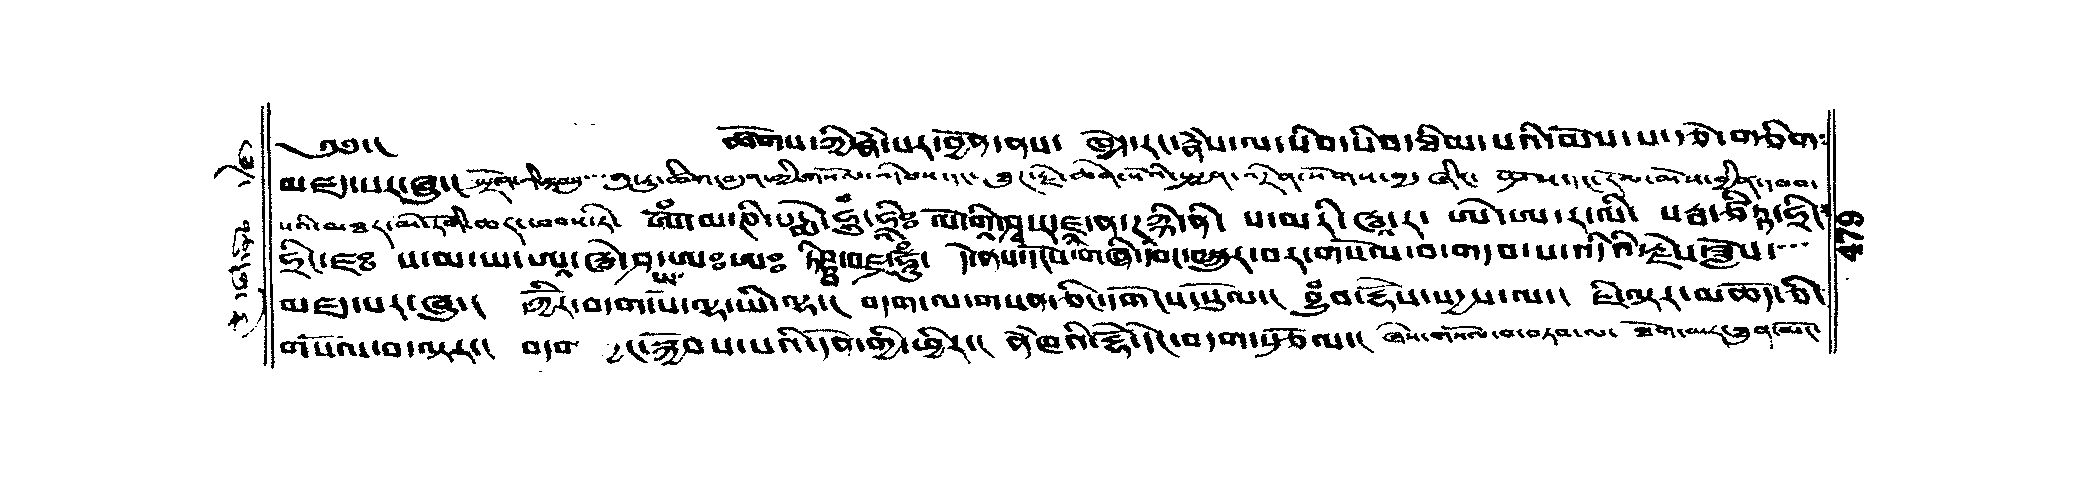ཚོགས་ཀྱི་རྣམ་པར་བྱོན་ནས། ཁྱེད་རང་རྣམས་ལ་སིབ་སིབ་ཐིམ་པའི་མོས་པ་རྩེ་གཅིག་
མཛད་པར་ཞུ། སྤྲོ་ན་འདི་སྐབས་སུ་གུ་རུ་ཚིག་བདུན་གྱི་གསོལ་འདེབས་དང་། ཐུགས་རྗེ་ཆེན་པོའི་སྤྱན་འདྲེན་སོགས་བྱ་ཞིང་། སྤོས་དང་རོལ་མོས་བྱིན་དབབ་
མཛད་པའི་མཐར་མེ་ཏོག་གི་ཆར་ཕབས་ཏེ། ཨོྃ་མ་ཎི་པདྨེ་ཧཱུྃ་ཧྲཱིཿ ལོ་གཱི་ཤྭ་ར་ཛྙ་ན་ཌཱཀྐི་ནི། ས་མ་རི་ཝཱ་ར། ཨེ་ཨ་ར་ལི། སརྦ་ཙིཏྟ་ཧྲི། 
མཛད་པར་ཞུ། དཀྱིལ་འཁོར་བདག་པོ་ལྷ་ཡི་ལྷ། །བདག་ལ་གསན་ཅིང་དགོངས་སུ་གསོལ། །བྱང་ཆུབ་རྡོ་རྗེ་སངས་རྒྱས་ལ། །ཇི་ལྟར་མཆོད་ཅིང་
གསོལ་བ་ལྟར། །བདག་ཀྱང་སྐྱོབས་པའི་དོན་གྱི་ཕྱིར། །ནམ་མཁའི་རྡོ་རྗེ་དེང་བདག་སྩོལ། ། ཞེས་གསོལ་བ་བཏབ་ལ། ཐོག་མར་ཐུན་མོང་